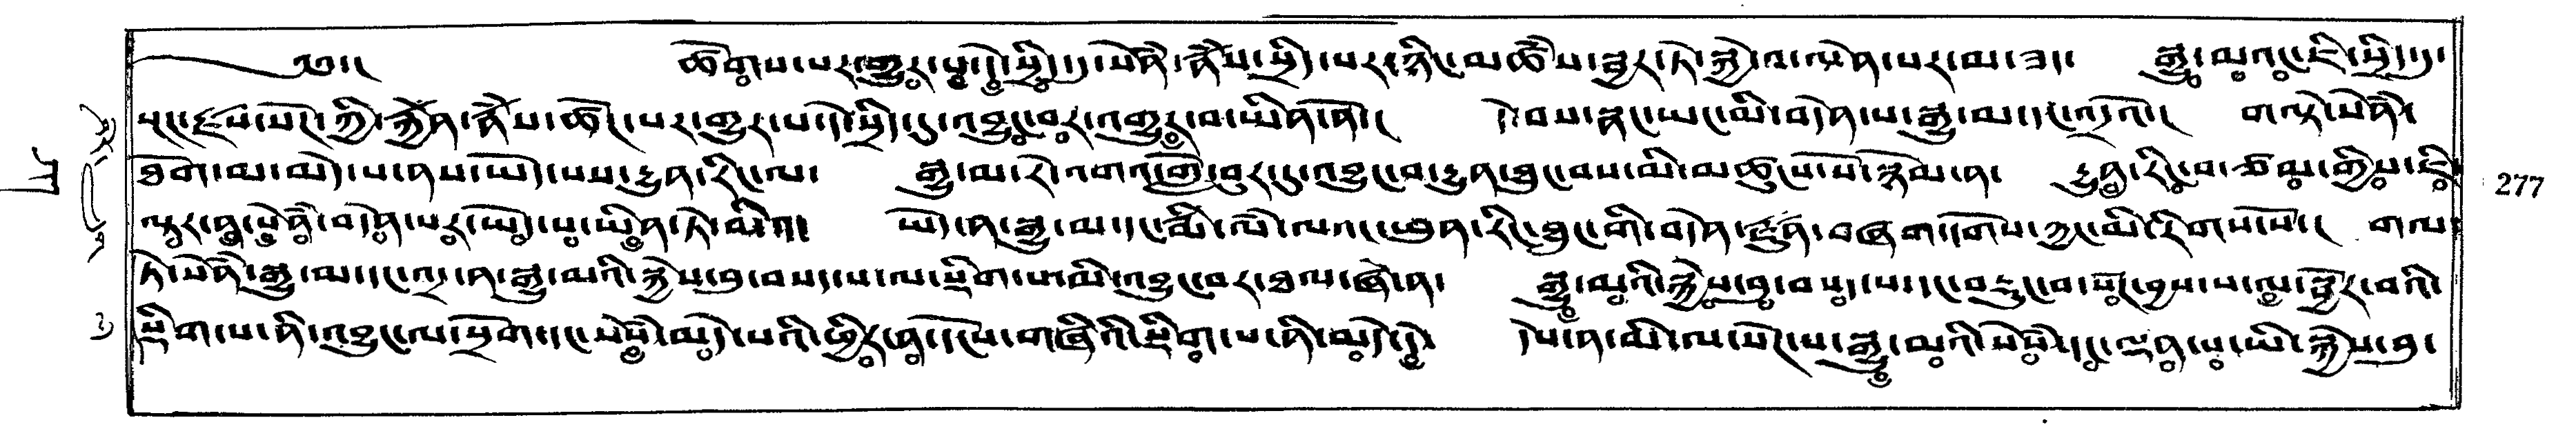ཚོགས་པར་གྱུར་པ་དེ་སྲིད་དུ་སེམས་ཅན་རྣམས་སྲིད་པར་ཉིང་མཚམས་སྦྱར་ཏེ་སྐྱེ་བ་ལེན་པར་མ་ཟད། སྒྱུ་མའང་ཇི་སྲིད་དུ་
སྔགས་རྫས་སོགས་ཀྱི་རྐྱེན་རྣམས་ཚོགས་པར་གྱུར་པ་དེ་སྲིད་དུ་འབྱུང་བར་འགྱུར་བ་ཡིན་ནོ། དེ་བས་སྣང་ཡང་མི་བདེན་པ་སྒྱུ་མ་དང་འདྲའོ། གལ་ཏེ་སེམས་ཅན་
ཐོག་མ་མེད་པ་ནས་ཡོད་པས་རྒྱུན་རིང་ལ། སྒྱུ་མ་རེ་འགའ་གློ་བུར་དུ་འབྱུང་བ་རྒྱུན་ཐུང་བས་མི་མཚུངས་སོ་སྙམ་ན། རྒྱུན་རིང་བ་ཙམ་གྱིས་ཇི་
ལྟར་ན་སེམས་ཅན་བདེན་པར་ཡོད་པ་ཡིན་ཏེ་མིན། ཡོད་ན་སྒྱུ་མ་དང་རྨི་ལམ་ལའང་ཡུན་རིང་ཐུང་གི་བདེན་རྫུན་བཞག་དགོས་ཀྱང་མི་རིགས་སོ། གལ་
ཏེ་སེམས་ཅན་སྒྱུ་མ་དང་འདྲ་ན་སྒྱུ་མའི་སྐྱེས་བུ་བསད་པ་ལ་སྡིག་པ་མི་འབྱུང་བར་ཐལ་ཞེ་ན། སྒྱུ་མའི་སྐྱེས་བུ་བསད་པ་དང་བརྡུང་བ་སོགས་བྱས་པ་ལ་སྦྱོར་བའི་
སྡིག་པ་ནི་འབྱུང་ལ་སྲོག་དང་སེམས་མེད་པའི་ཕྱིར་ན་དངོས་གཞིའི་སྡིག་པ་ནི་མེད་དེ། དེས་ན་མི་ལ་སོགས་པ་སྒྱུ་མའི་སེམས་དང་ལྡན་པ་ཡི་སྐྱེས་བུ་